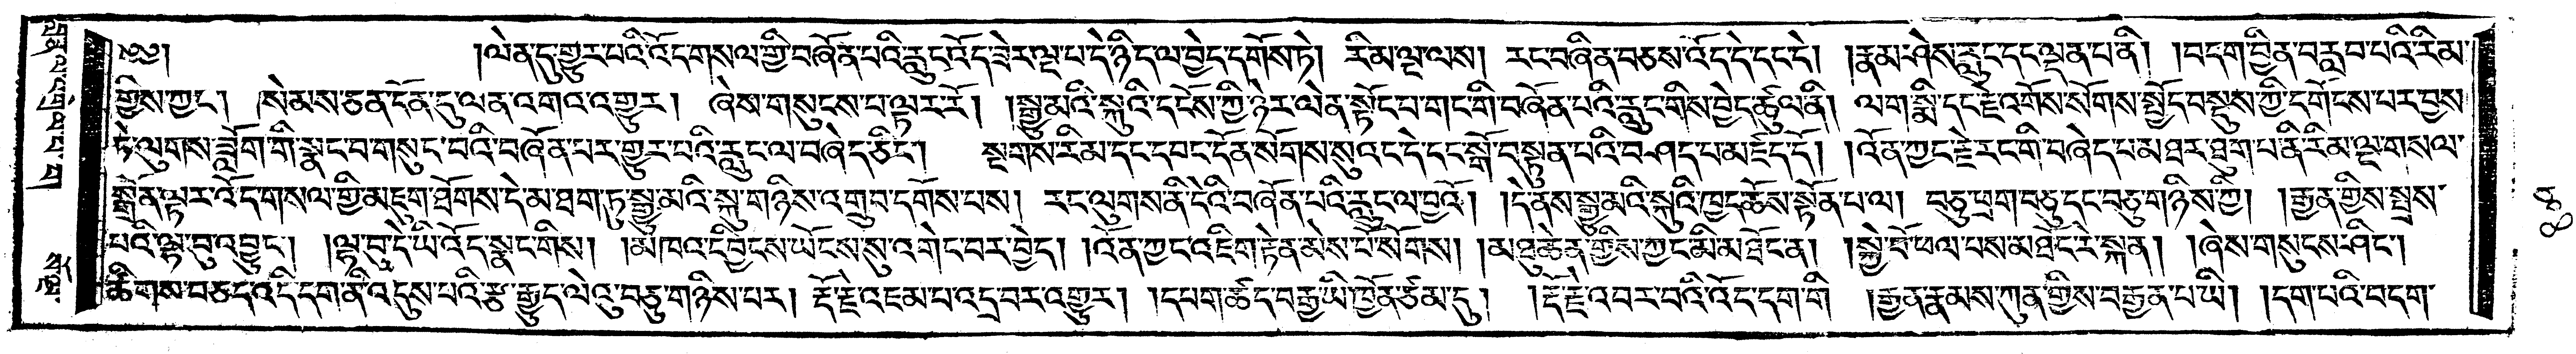༄༅། །ལེན་དུ་གྱུར་བའི་འོད་གསལ་གྱི་བཞོན་པའི་རླུང་འོད་ཟེར་ལྔ་པ་དེ་ཉིད་ལ་བྱེད་དགོས་ཏེ། རིམ་ལྔ་ལས། རང་བཞིན་བཅས་འོད་དེ་དང་དེ། །རྣམ་ཤེས་རླུང་དང་ལྡན་པ་ནི། །བདག་བྱིན་བརླབ་པའི་རིམ་
གྱིས་ཀྱང་། །སེམས་ཅན་དོན་དུ་ལན་འགའ་འགྱུར། ཞེས་གསུངས་པ་ལྟར་རོ། །སྒྱུ་མའི་སྐུའི་དངོས་ཀྱི་ཉེར་ལེན་སྟོང་པ་གང་གི་བཞོན་པའི་རླུང་གིས་བྱེད་ཚུལ་ནི། ལག་སྨིན་དང་རྗེ་འགོས་སོགས་སྤྱོད་བསྡུས་ཀྱི་དགོངས་པར་བྱས་
ཏེ་ལུགས་ཟློག་གི་སྣང་བ་གསུང་བའི་བཞོན་པར་གྱུར་པའི་རླུང་ལ་བཞེད་ཅིང་། སྔགས་རིམ་དང་དབང་དོན་སོགས་སུའང་དེ་དང་སྒོ་བསྟུན་པའི་བཤད་པ་མཛད་དོ། །འོན་ཀྱང་རྗེ་རང་གི་བཞེད་པ་མཐར་ཐུག་པ་ནི་རིམ་ལྔ་གསལ་
སྒྲོན་ལྟར་འོད་གསལ་གྱི་མཇུག་ཐོགས་དེ་མ་ཐག་ཏུ་སྒྱུ་མའི་སྐུ་གཉིས་འགྲུབ་དགོས་པས། རང་ལུགས་ནི་དེའི་བཞོན་པའི་རླུང་ལ་བྱའོ། །དེ་ནས་སྒྱུ་མའི་སྐུའི་ཁྱད་ཆོས་སྟོན་པ་ལ། བཅུ་ཕྲག་བཅུ་དང་བཅུ་གཉིས་ཀྱི། །རྒྱན་གྱིས་སྤྲས་
པའི་ལྟ་བུ་འབྱུང་། །ལྟ་བུ་དེ་ཡི་འོད་སྣང་གིས། །མཁའ་དབྱིངས་ཡོངས་སུ་འགེང་བར་བྱེད། །འོན་ཀྱང་འཇིག་རྟེན་མེས་པོ་སོགས། །མཐུ་ཆེན་གྱིས་ཀྱང་མི་མཐོང་ན། །སྐྱེ་བོ་ཕལ་པས་མཐོང་རེ་སྐན། །ཞེས་གསུངས་ཤིང་།
ཚིགས་བཅད་འདི་དག་ནི་འདུས་པའི་རྩ་རྒྱུད་ལེའུ་བཅུ་གཉིས་པར། རྡོ་རྗེ་འཇམ་པ་འདྲ་བར་འགྱུར། །དཔག་ཚད་བརྒྱ་ཡི་ཁྱོན་ཙམ་དུ། །རྡོ་རྗེ་འབར་བའི་འོད་དག་གི །རྒྱན་རྣམས་ཀུན་གྱིས་བརྒྱན་པ་ཡི། །དག་པའི་བདག་